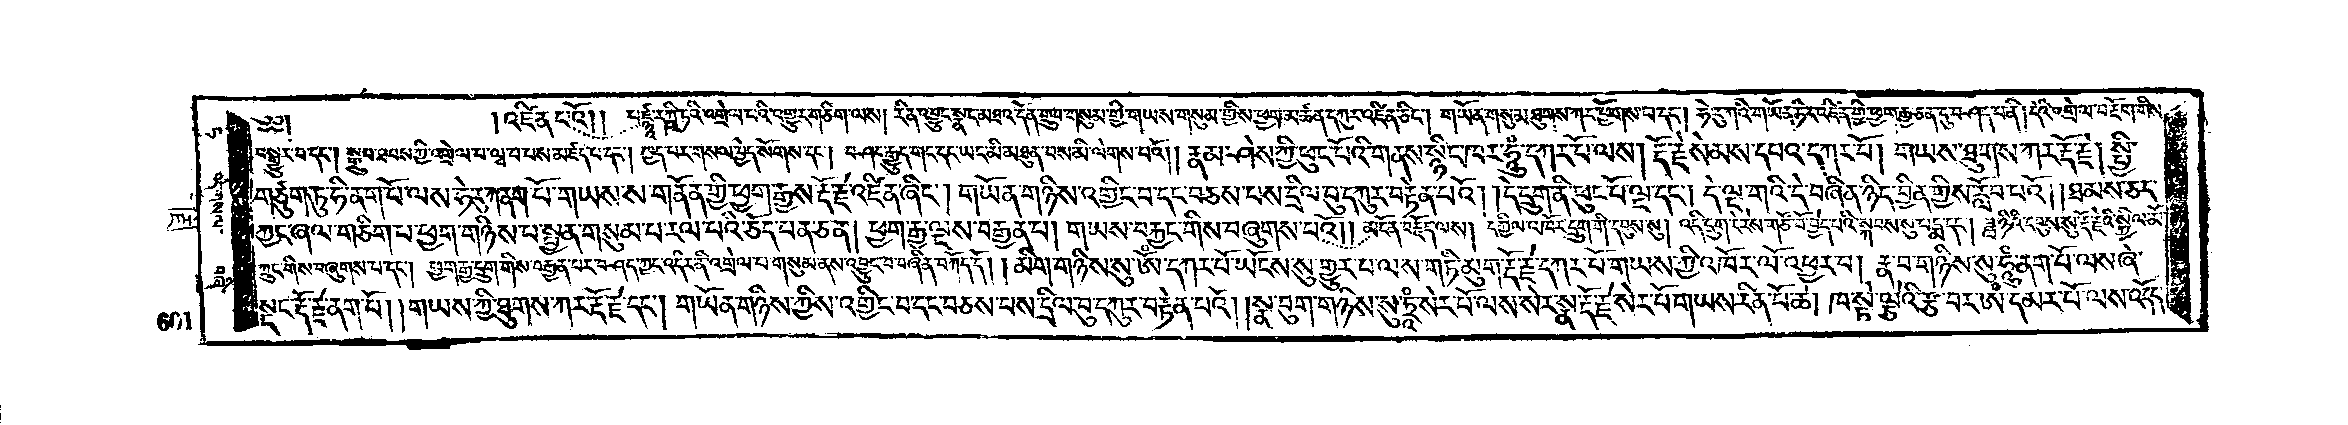༄༅། །འཛིན་པའོ། །པྲཛྙཱ་རཀྵི་ཏའི་འགྲེལ་པའི་འགྱུར་གཅིག་ལས། རིན་འབྱུང་སྣང་མཐའ་དོན་གྲུབ་གསུམ་གྱི་གཡས་གསུམ་གྱིས་ཕྱག་མཚན་དཀུར་འཛིན་ཅིང་། གཡོན་གསུམ་ཐུགས་ཀར་ཕྱོགས་པ་དང་། ཧེ་རུ་ཀའི་གཡོན་ཏིང་འཛིན་གྱི་ཕྱག་རྒྱ་ཅན་དུ་བཤད་པ་ནི། དེའི་འགྲེལ་བ་བརྡོག་གིས་
བསྒྱུར་པ་དང་། སྒྲུབ་ཐབས་ཀྱི་འགྲེལ་པ་ལྭ་བ་པས་མཛད་པ་དང་། ཁྱད་པར་གསལ་བྱེད་སོགས་དང་། བཤད་རྒྱུད་གང་དང་ཡང་མི་མཐུན་པས་མི་ལེགས་པའོ། །རྣམ་ཤེས་ཀྱི་ཕུང་པོའི་གནས་སྙིང་ཁར་ཧཱུཾ་དཀར་པོ་ལས། རྡོ་རྗེ་སེམས་དཔའ་དཀར་པོ། གཡས་ཐུགས་ཀར་རྡོ་རྗེ། སྤྱི་
གཙུག་ཏུ་ཧི་ནག་པོ་ལས་ཧེ་རུ་ཀ་ནག་པོ་གཡས་ས་གནོན་གྱི་ཕྱག་རྒྱས་རྡོ་རྗེ་འཛིན་ཞིང་། གཡོན་གཉིས་འགྱིང་བ་དང་བཅས་པས་དྲིལ་བུ་དཀུར་བརྟེན་པའོ། །དེ་དྲུག་ནི་ཕུང་པོ་ལྔ་དང་། དེ་ལྔ་གའི་དེ་བཞིན་ཉིད་བྱིན་གྱིས་རློབ་པའོ། །ཐམས་ཅད་
ཀྱང་ཞལ་གཅིག་པ་ཕྱག་གཉིས་པ་སྤྱན་གསུམ་པ་རལ་པའི་ཅོད་པན་ཅན། ཕྱག་རྒྱ་ལྔས་བརྒྱན་པ། གཡས་བརྐྱང་གིས་བཞུགས་པའོ། །མངོན་བརྗོད་ལས། དཀྱིལ་འཁོར་དྲུག་གི་དབུས་སུ། འདི་དྲུག་རེ་རེས་གཙོ་བོ་བྱེད་པའི་སྐབས་སུ་པདམ་དང་། ཟླ་ཉིའི་དབུས་སུ་རྡོ་རྗེའི་སྐྱིལ་མོ་
ཀྲུང་གིས་བཞུགས་པ་དང་། ཕྱག་རྒྱ་དྲུག་གིས་བརྒྱན་པར་བཤད་ཀྱང་འདིར་ནི་འགྲེལ་བ་གསུམ་ནས་འབྱུང་བ་བཞིན་བཀོད་དོ། །མིག་གཉིས་སུ་ཨོཾ་དཀར་པོ་ཡོངས་སུ་གྱུར་པ་ལས་གཏི་མུག་རྡོ་རྗེ་དཀར་པོ་གཡས་ཀྱི་འཁོར་ལོ་འཕྱར་བ། རྣ་བ་གཉིས་སུ་ཧཱུཾ་ནག་པོ་ལས་ཞེ་
སྡང་རྡོ་རྗེ་ནག་པོ། །གཡས་ཀྱི་ཐུགས་ཀར་རྡོ་རྗེ་དང་། གཡོན་གཉིས་ཀྱིས་འགྱིང་བ་དང་བཅས་པས་དྲིལ་བུ་དཀུར་བརྟེན་པའོ། །སྣ་བུག་གཉིས་སུ་ཏྲཱཾ་སེར་པོ་ལས་སེར་སྣ་རྡོ་རྗེ་སེར་པོ་གཡས་རིན་པོ་ཆེ། ཁ་སྟེ་ལྕེའི་རྩ་བར་ཨཾ་དམར་པོ་ལས་འདོད་